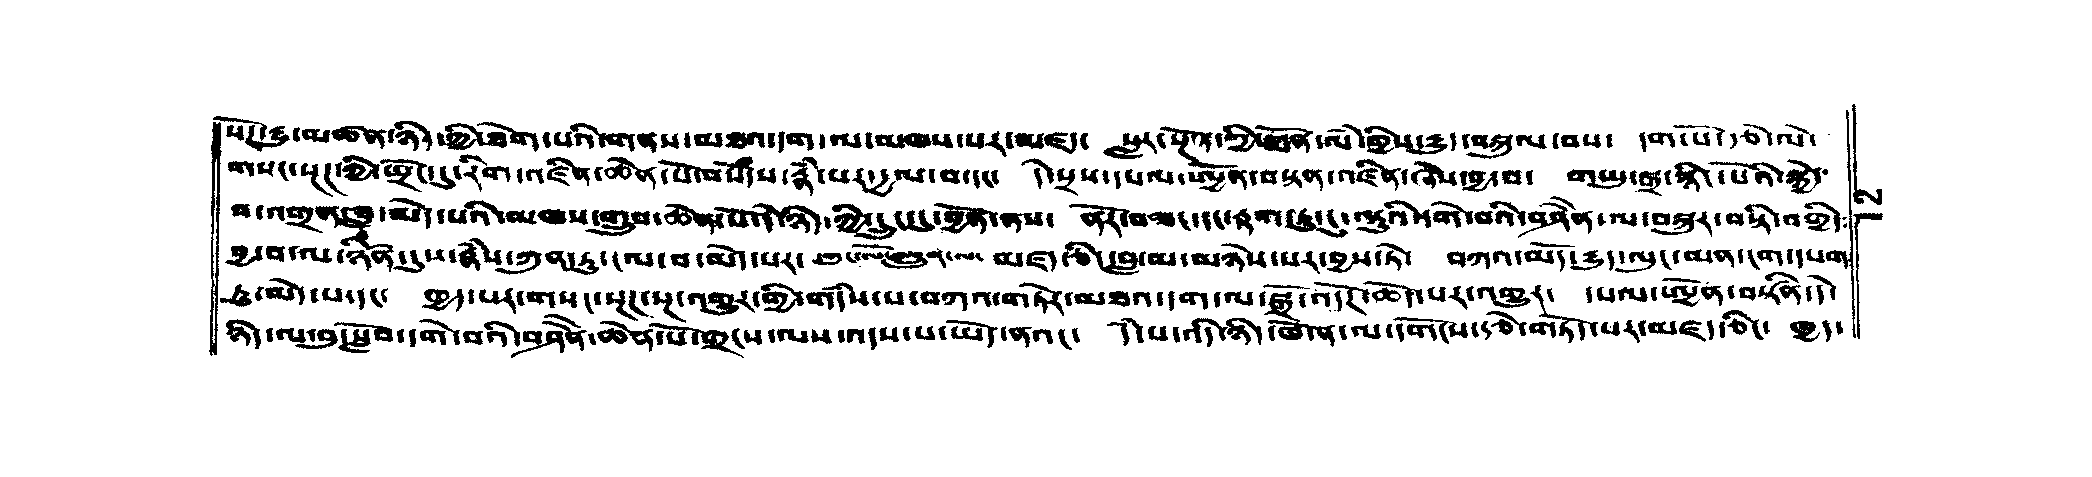སོགས་རྒྱུ་མཚན་ཉིད་ཀྱི་ཐོག་པའི་གནས་མཐའ་དག་ལ་མཁས་པར་མཛད། སླར་སྔོན་གྱི་སྨོན་ལམ་གྱིས་རྒྱུད་བསྐུལ་བས། དྭགས་པོ་རྩེ་ལེ་
གསང་སྔགས་ཀྱི་ཕོ་བྲང་དུ་རིག་འཛིན་ཆེན་པོ་བསོད་ནམས་རྣམ་པར་རྒྱལ་བ་དང་། དེ་སྲས་དཔལ་ཨོ་རྒྱན་བསྟན་འཛིན་ཞེས་བྱ་བ། གཡུ་སྒྲ་སྙིང་པོའི་སྐྱེ་
བ་འགྲན་ཟླ་མེད་པའི་མཁས་གྲུབ་ཆེན་པོ་དེ་ཉིད་ཀྱི་དྲུང་དུ་དགུང་ལོ་བཅུ་བདུན་ལ། མཆན། བྱོན་ནས། ནོར་བཟང་དང་རྟག་ཏུ་ངུ་ལྟ་བུའི་དགེ་བའི་བཤེས་གཉེན་ལ་བསྐུར་བསྟིའི་བགྱིད་
བྱ་བ་ལ་ཉིན་མཚན་དུས་རྣམས་ཀུན་ཏུ་ངལ་བ་མེད་པར་མཛད་ཅིང་བླ་མ་མཉེས་པར་བྱས་ཏེ། བཀའ་མདོ་རྒྱུད་ལུང་མན་ངག་དཔག་
ཏུ་མེད་པ་དང་། ཁྱད་པར་གསང་སྔགས་སྔ་འགྱུར་གྱི་གདམས་པ་བཀའ་གཏེར་མཐའ་དག་ལ་སྒྲོ་འདོགས་ཆོད་པར་འགྱུར། དཔལ་ཨོ་རྒྱན་བསྟན་འཛིན་དེ་
ཉིད་ལ་བུ་སློབ་དགེ་བའི་བཤེས་གཉེན་ཆེན་པོ་གྲངས་ལས་འདས་པ་ཡོད་ནའང་། དམ་པ་འདི་ཉིད་ཁོ་ན་ལ་དགོངས་རྩི་གཏོད་པར་མཛད་ཅིང་། ཁྱད་